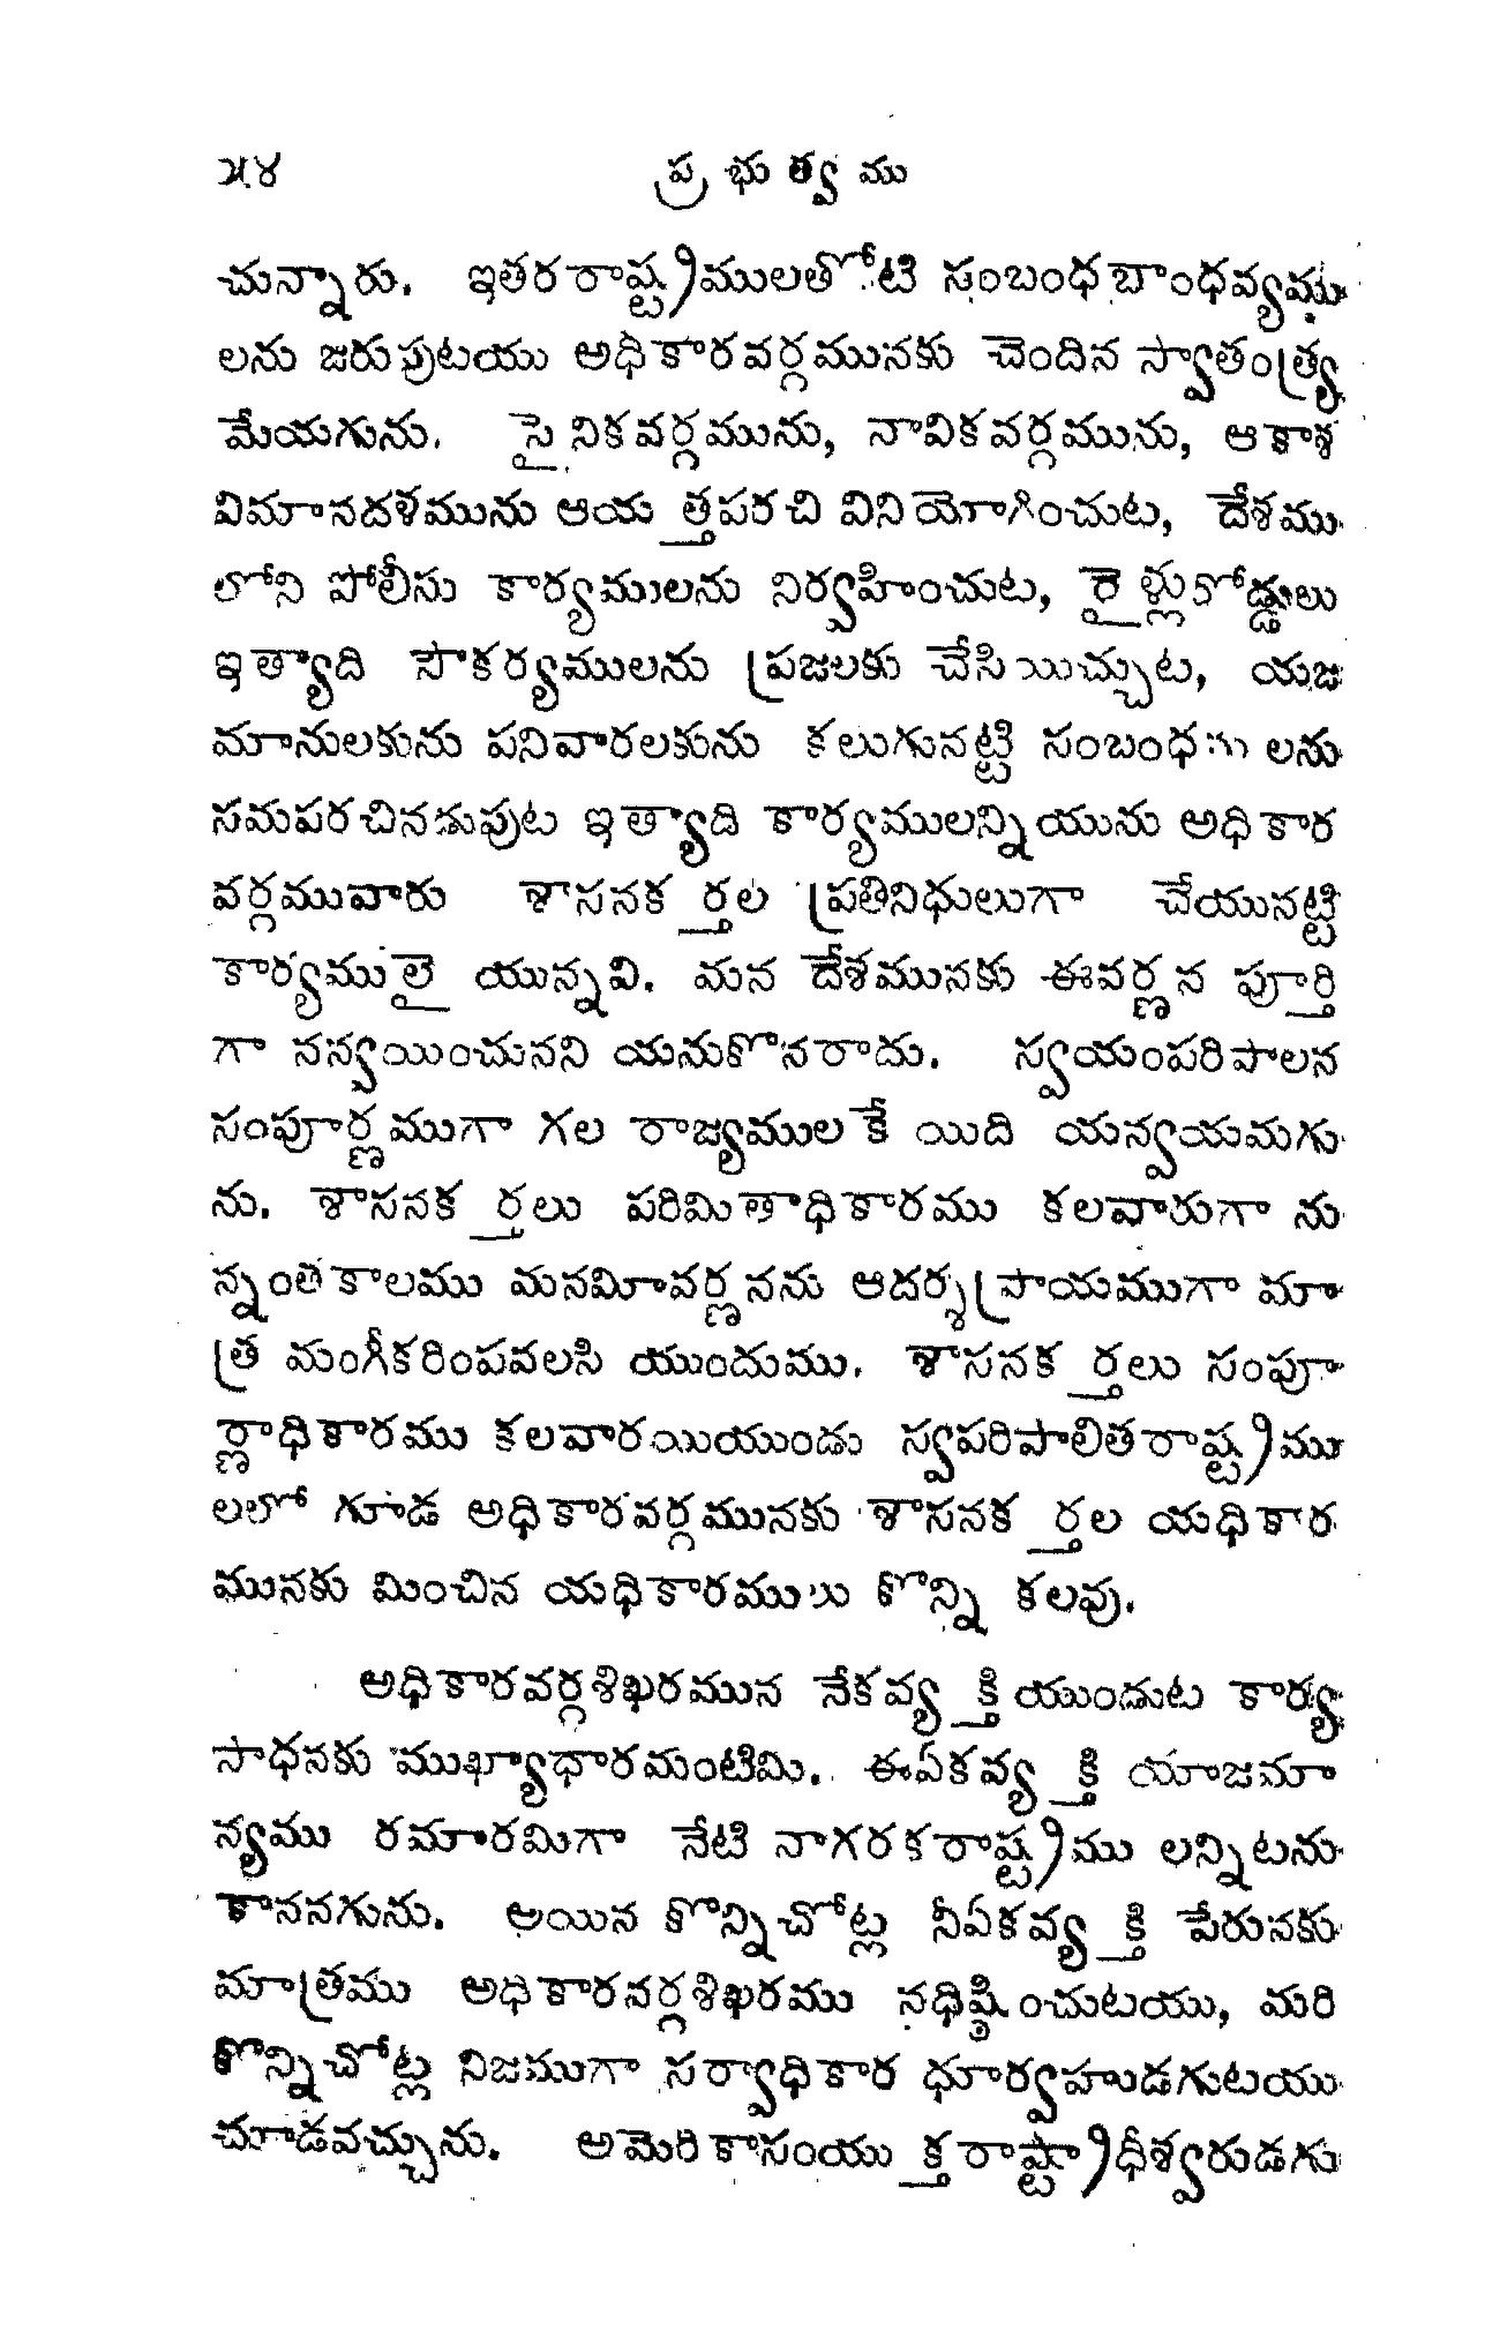చున్నారు. ఇతరరాష్ట్రములతోటి సంబంధబాంధవ్యములను జరుపుటయు అధికారవర్గమునకు చెందిన స్వాతంత్ర్యమేయగును. సైనికవర్గమును, నావికవర్గమును, ఆకాశ విమానదళమును ఆయత్తపరచి వినియోగించుట, దేశములోని పోలీసు కార్యములను నిర్వహించుట, రైళ్లురోడ్డులు
ఇత్యాది సౌకర్యములను ప్రజలకు చేసియిచ్చుట, యజమానులకును పనివారలకును కలుగునట్టి సంబంధములను సమపరచినడుపుట ఇత్యాది కార్యములన్నియును అధికార వర్గమువారు శాసనకర్తల ప్రతినిధులుగా చేయునట్టి కార్యములై యున్నవి. మన దేశమునకు ఈవర్ణన పూర్తిగా నన్వయించునని యనుకొనరాదు. స్వయంపరిపాలన సంపూర్ణముగా గల రాజ్యములకే యిది యన్వయమగును. శాసనకర్తలు పరిమితాధికారము కలవారుగా నున్నంతకాలము మనమీవర్ణనను ఆదర్శప్రాయముగా మాత్ర మంగీకరింపవలసి యుందుము. శాసనకర్తలు సంపూర్ణాధికారము కలవారయియుండు స్వపరిపాలితరాష్ట్రములలో గూడ అధికారవర్గమునకు శాసనకర్తల యధికారమునకు మించిన యధికారము కొన్ని కలవు.

అధికారవర్గశిఖరమున నేకవ్యక్తి యుండుట కార్యసాధనకు ముఖ్యాధారమంటిమి. ఈఏకవ్యక్తి యాజమాన్యము రమారమిగా నేటి నాగరకరాష్ట్రము లన్నిటను కాననగును. అయిన కొన్ని చోట్ల నీఏకవ్యక్తి పేరునకు మాత్రము అధికారవర్గశిఖరము నధిష్ఠించుటయు, మరికొన్నిచోట్ల నిజముగా సర్వాధికార ధూర్వహుడగుటయు చూడవచ్చును. అమెరికాసంయుక్తరాష్ట్రాధీశ్వరుడగు